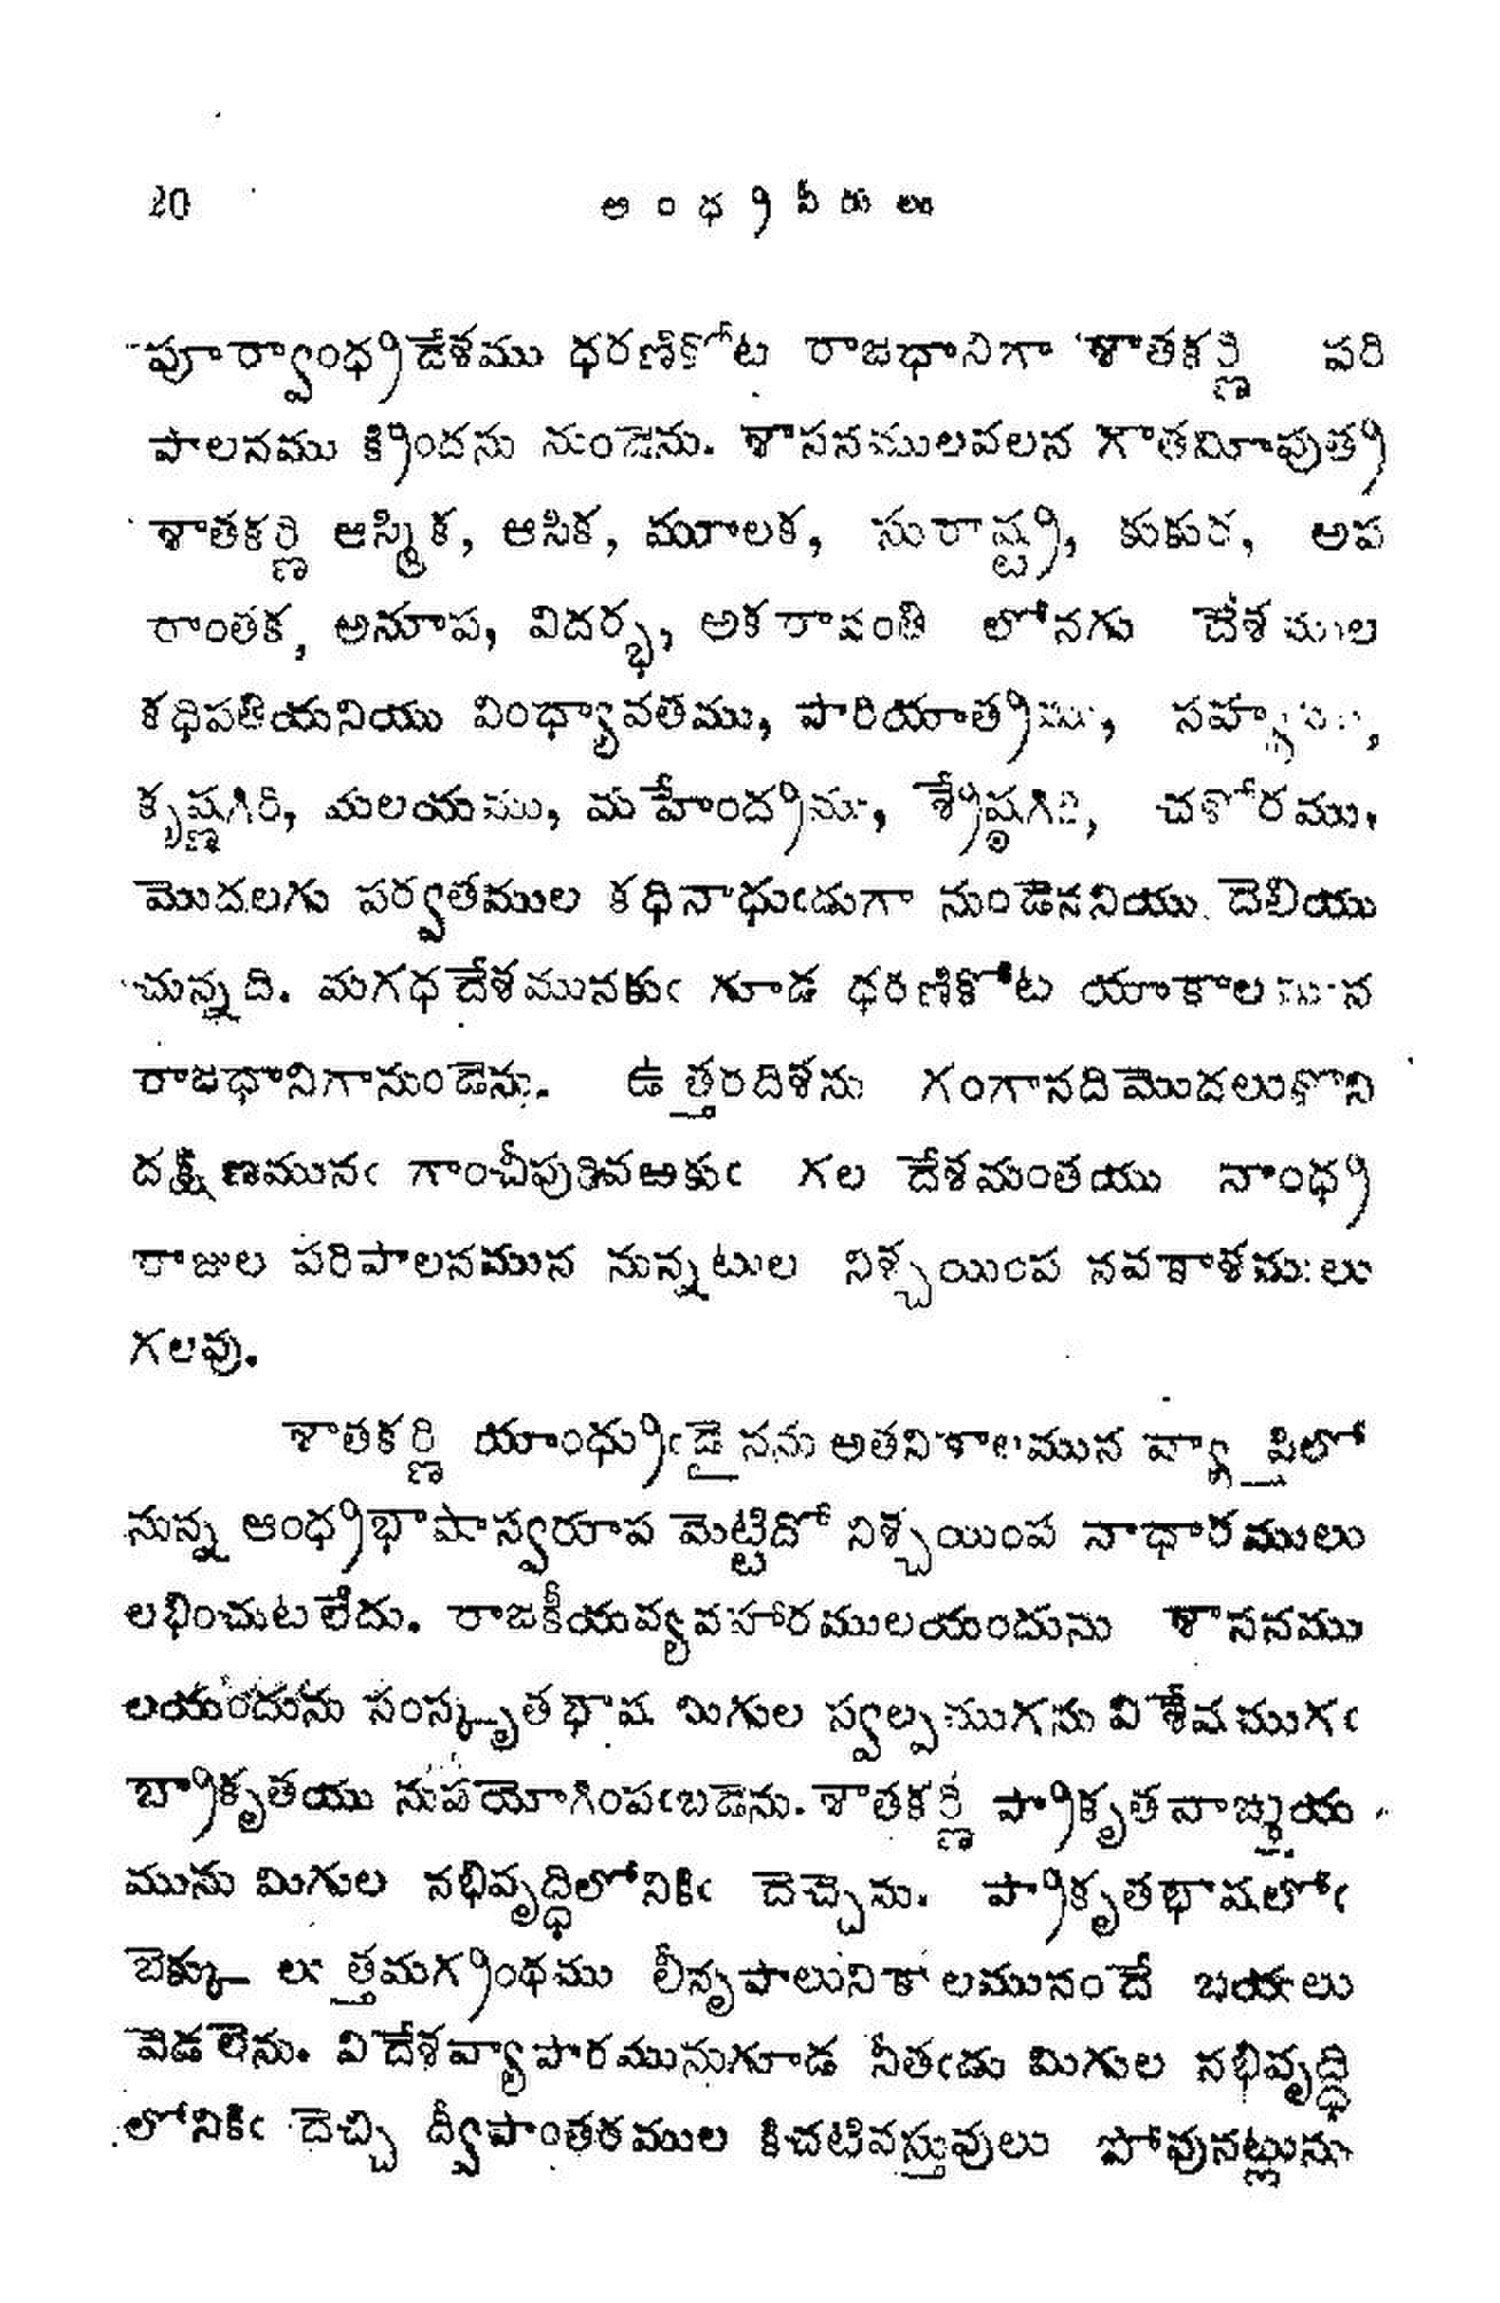పూర్వాంధ్రదేశము ధరణికోట రాజధానిగా శాతకర్ణి పరిపాలనము క్రిందను నుండెను. శాసనములవలన గౌతమీపుత్రశాతకర్ణి ఆస్మిక, ఆసిక, మూలక, సురాష్ట్ర, కుకుర, అపరాంతక, అనూప, విదర్భ, అకరావంతి లోనగు దేశముల కధిపతియనియు వింధ్యావతము, పారియాత్రము, సహ్యము, కృష్ణగిరి, మలయము, మహేంద్రము, శ్రేష్ఠగిరి, చకోరము, మొదలగు పర్వతముల కధినాధుడుగా నుండెననియు దెలియుచున్నది. మగధదేశమునకు గూడ ధరణికోట యాకాలమున రాజధానిగానుండెను. ఉత్తరదిశను గంగానదిమొదలుకొని దక్షిణమున గాంచీపురివఱకు గల దేశమంతయు నాంధ్ర రాజుల పరిపాలనమున నున్నటుల నిశ్చయింప నవకాశములు గలవు.

శాతకర్ణి యాంధ్రుడైనను అతని కాలమున వ్యాప్తిలో నున్న ఆంధ్రభాషాస్వరూప మెట్టిదో నిశ్చయింప నాధారములు లభించుటలేదు. రాజకీయవ్యవహారములయందును శాసనములయందును సంస్కృతభాష మిగుల స్వల్పముగను విశేషముగ బ్రాకృతయు నుపయోగింపబడెను. శాతకర్ణి ప్రాకృతవాజ్మయమును మిగుల నభివృద్ధిలోనికి దెచ్చెను. ప్రాకృతభాషలో బెక్కు లుత్తమగ్రంథము లీనృపాలునికాలమునందే బయలు వెడలెను. విదేశవ్యాపారమునుగూడ నీతడు మిగుల నభివృద్ధిలోనికి దెచ్చి ద్వీపాంతరముల కిచటివస్తువులు పోవునట్లును